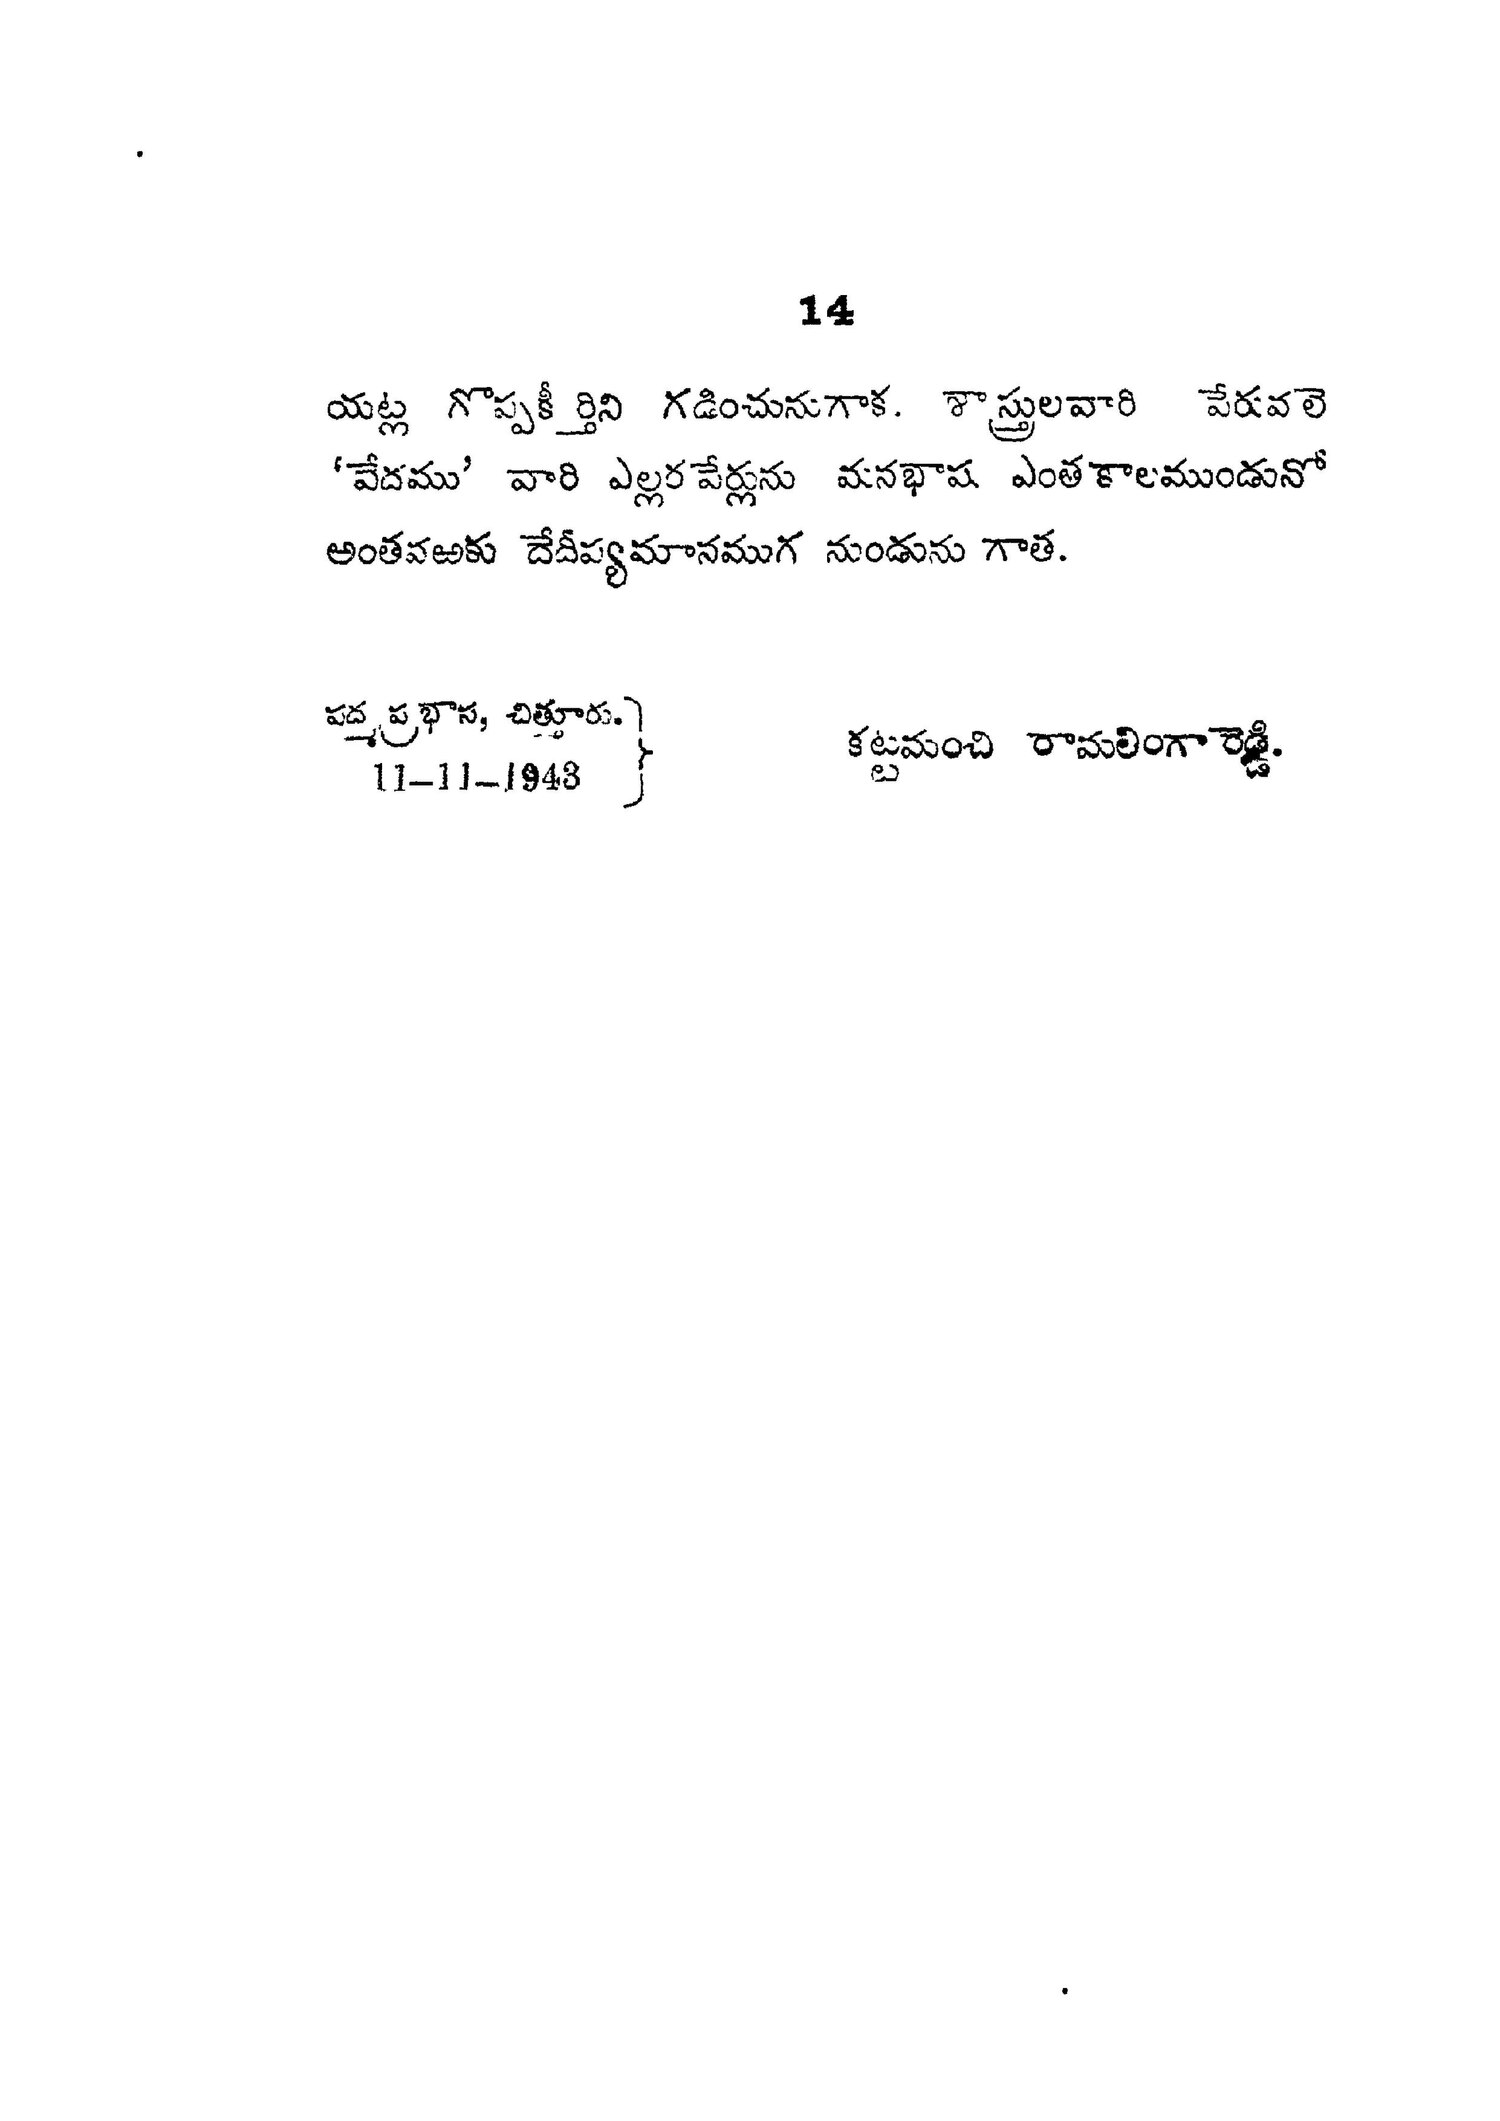యట్ల గొప్పకీర్తిని గడించునుగాక. శాస్త్రులవారి పేరువలె 'వేదము' వారి ఎల్లరపేర్లును మనభాష ఎంతకాలముండునో అంతవఱకు దేదీప్యమానముగ నుండును గాత.

కట్టమంచి రామలింగారెడ్డి.
పద్మప్రభాస, చిత్తూరు.
11 - 11 - 1943